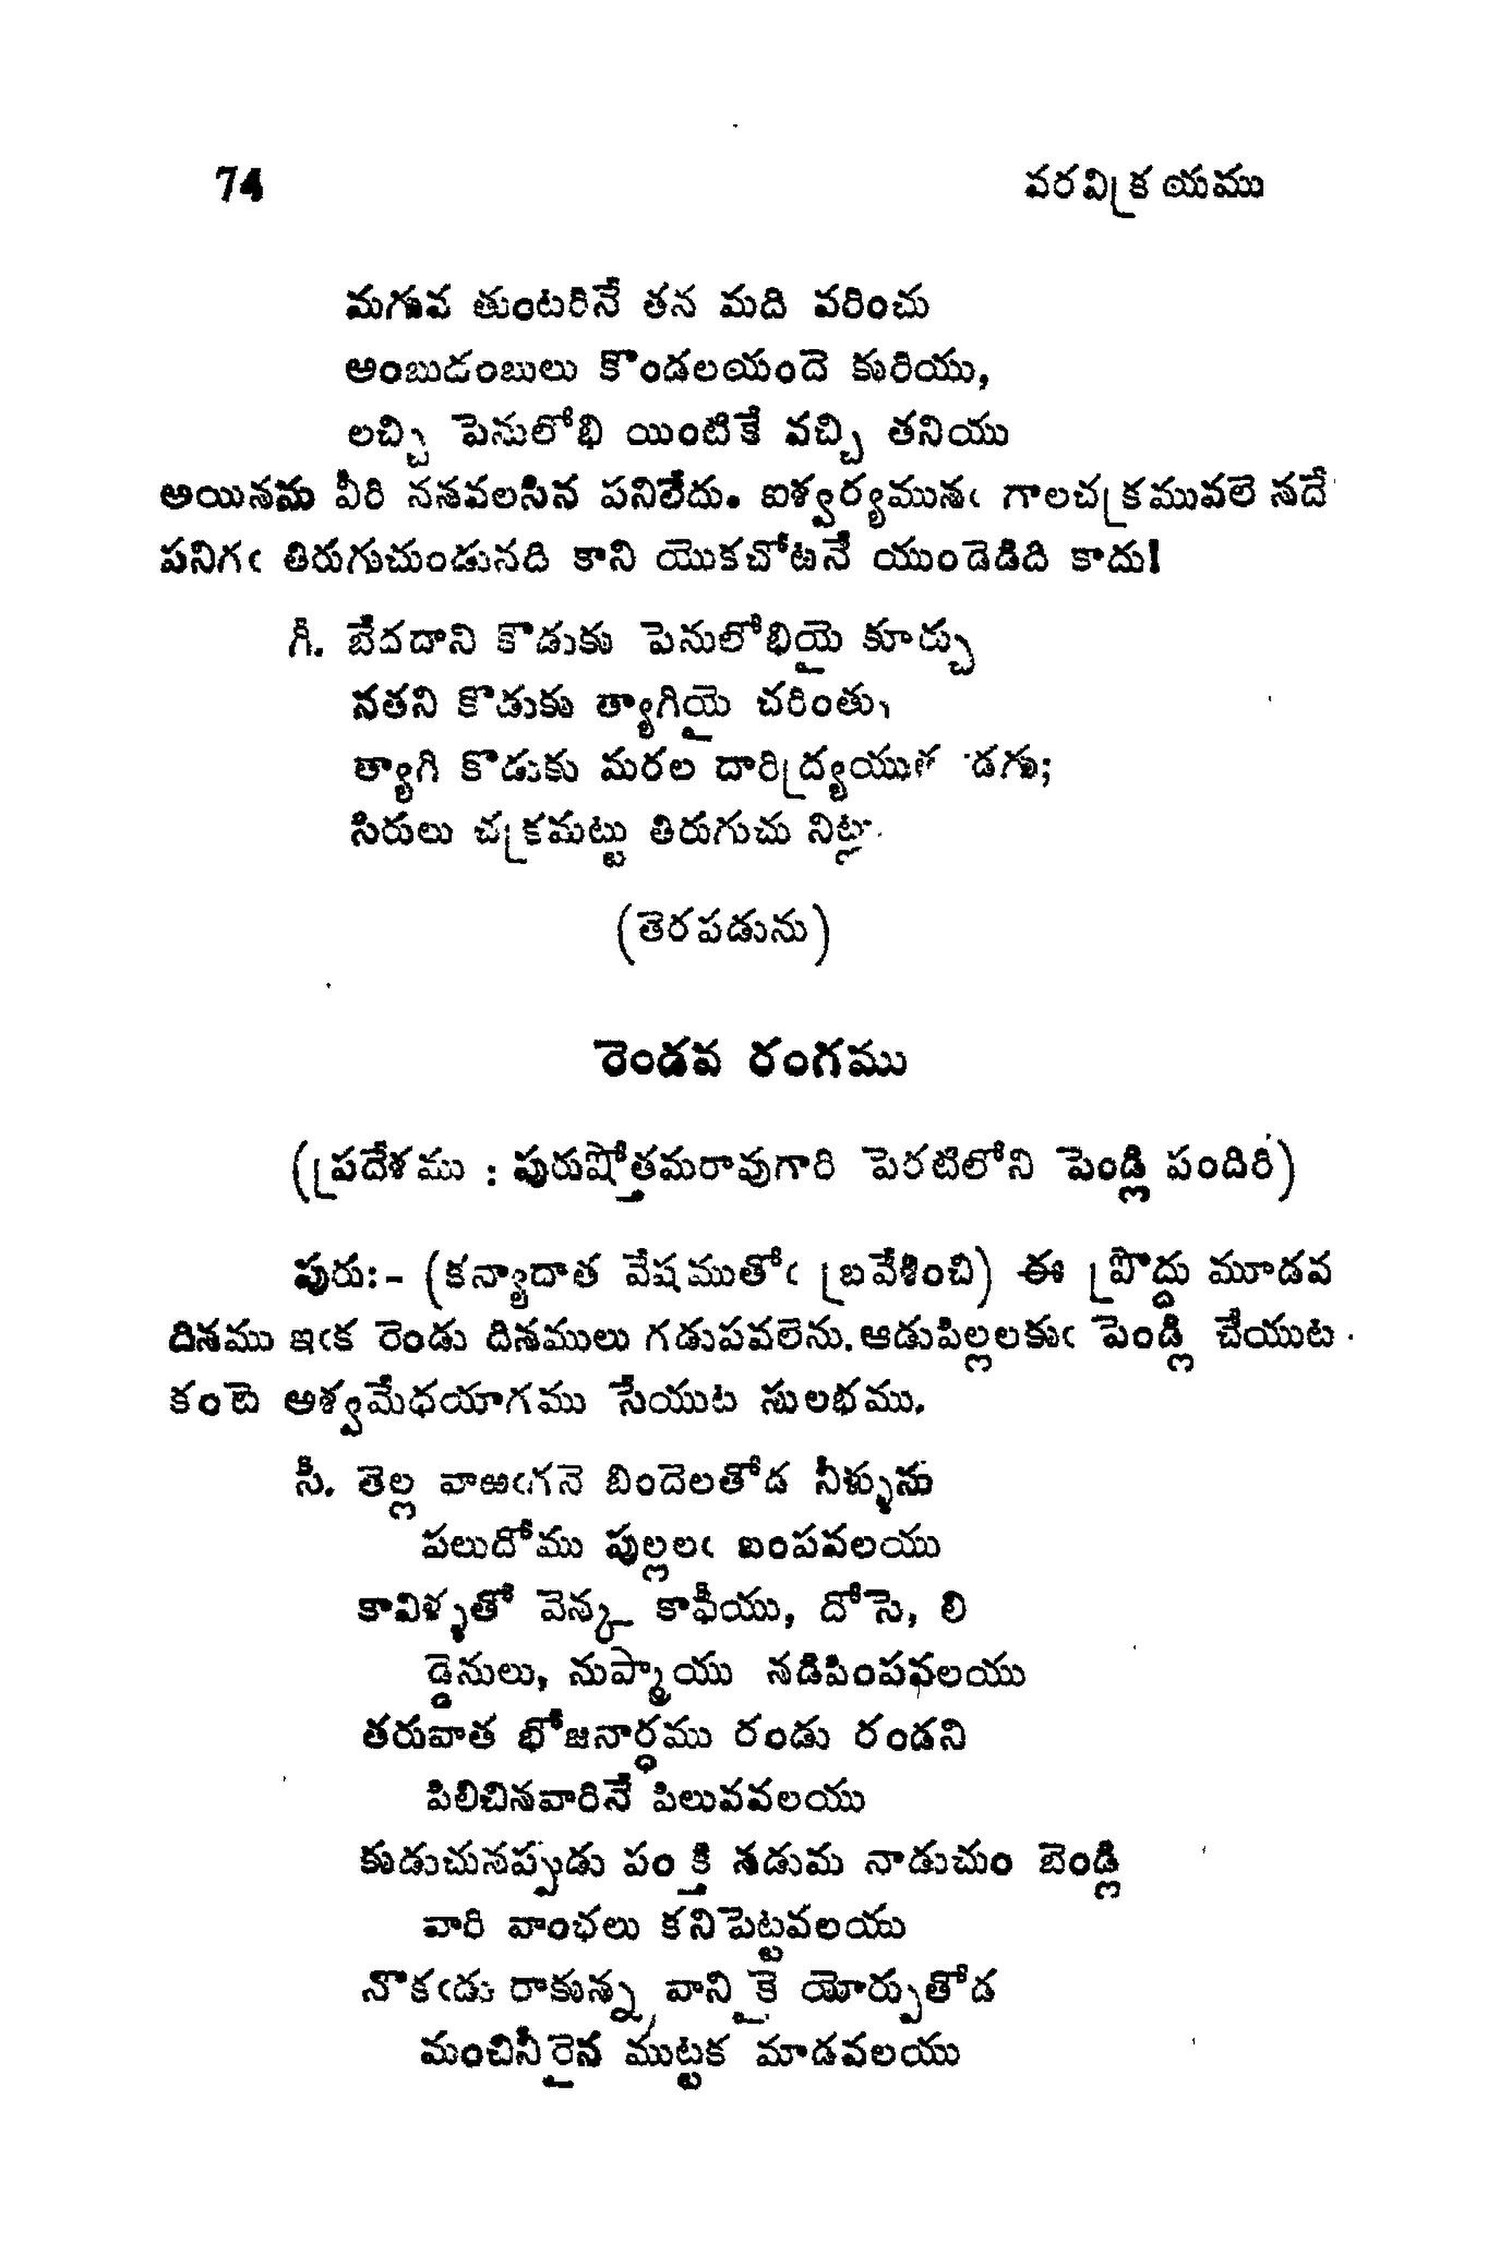మగువ తుంటరినే తన మది వరించు
 అంబుదంబులు కొండలయందె కురియు,
 లచ్చి పెనులోభి యింటికే వచ్చి తనియు.
అయినను వీరి ననవలసిన పనిలేదు. ఐశ్వర్యమునఁ గాలచక్రమువలె నదేపనిగఁ తిరుగుచుండునది కాని యొకచోటనె యుండెడిది కాదు!

గీ. బేదదాని కొడుకు పెనులోభియై కూర్చు
 నతని కొడుకు త్యాగియై చరింతు,
 త్యాగి కొడుకు మరల దారిద్ర్యయుతుఁ డగు;
 సిరులు చక్రమట్లు - తిరుగు నిట్లు!

రెండవ రంగము
 

పురు :- (కన్యాదాత వేషముతోఁ బ్రవేశించి) ఈ ప్రొద్దు మూడవదినము ఇఁక రెండు దినములు గడపవలెను. ఆడుపిల్లలకుఁ పెండ్లి చేయుట కంటె అశ్వమేధయాగము సేయుట సులభము.

సీ. తెల్ల వాఱఁగనె బిందెలతోడ నీళ్ళును
 పలుదోము పుల్లలఁ బంపవలయు
 కావిళ్లతో వెన్క కాఫీయు, దోసె, లి
 డ్డెనలు, నుప్మాయు నడిపింపవలయు
 తరువాత భోజనార్థము రండు రండని
 పిలిచినవారినే పిలువవలయు
 కుడుచునప్పుడు పంక్తి నడుమ నాడుచుం బెండ్లి
 వారి వాంఛలు కనిపెట్టవలయు
 నొకఁడు రాకున్న వానికై యోర్పుతోడ
 మంచినీరైన ముట్టక మాడవలయు